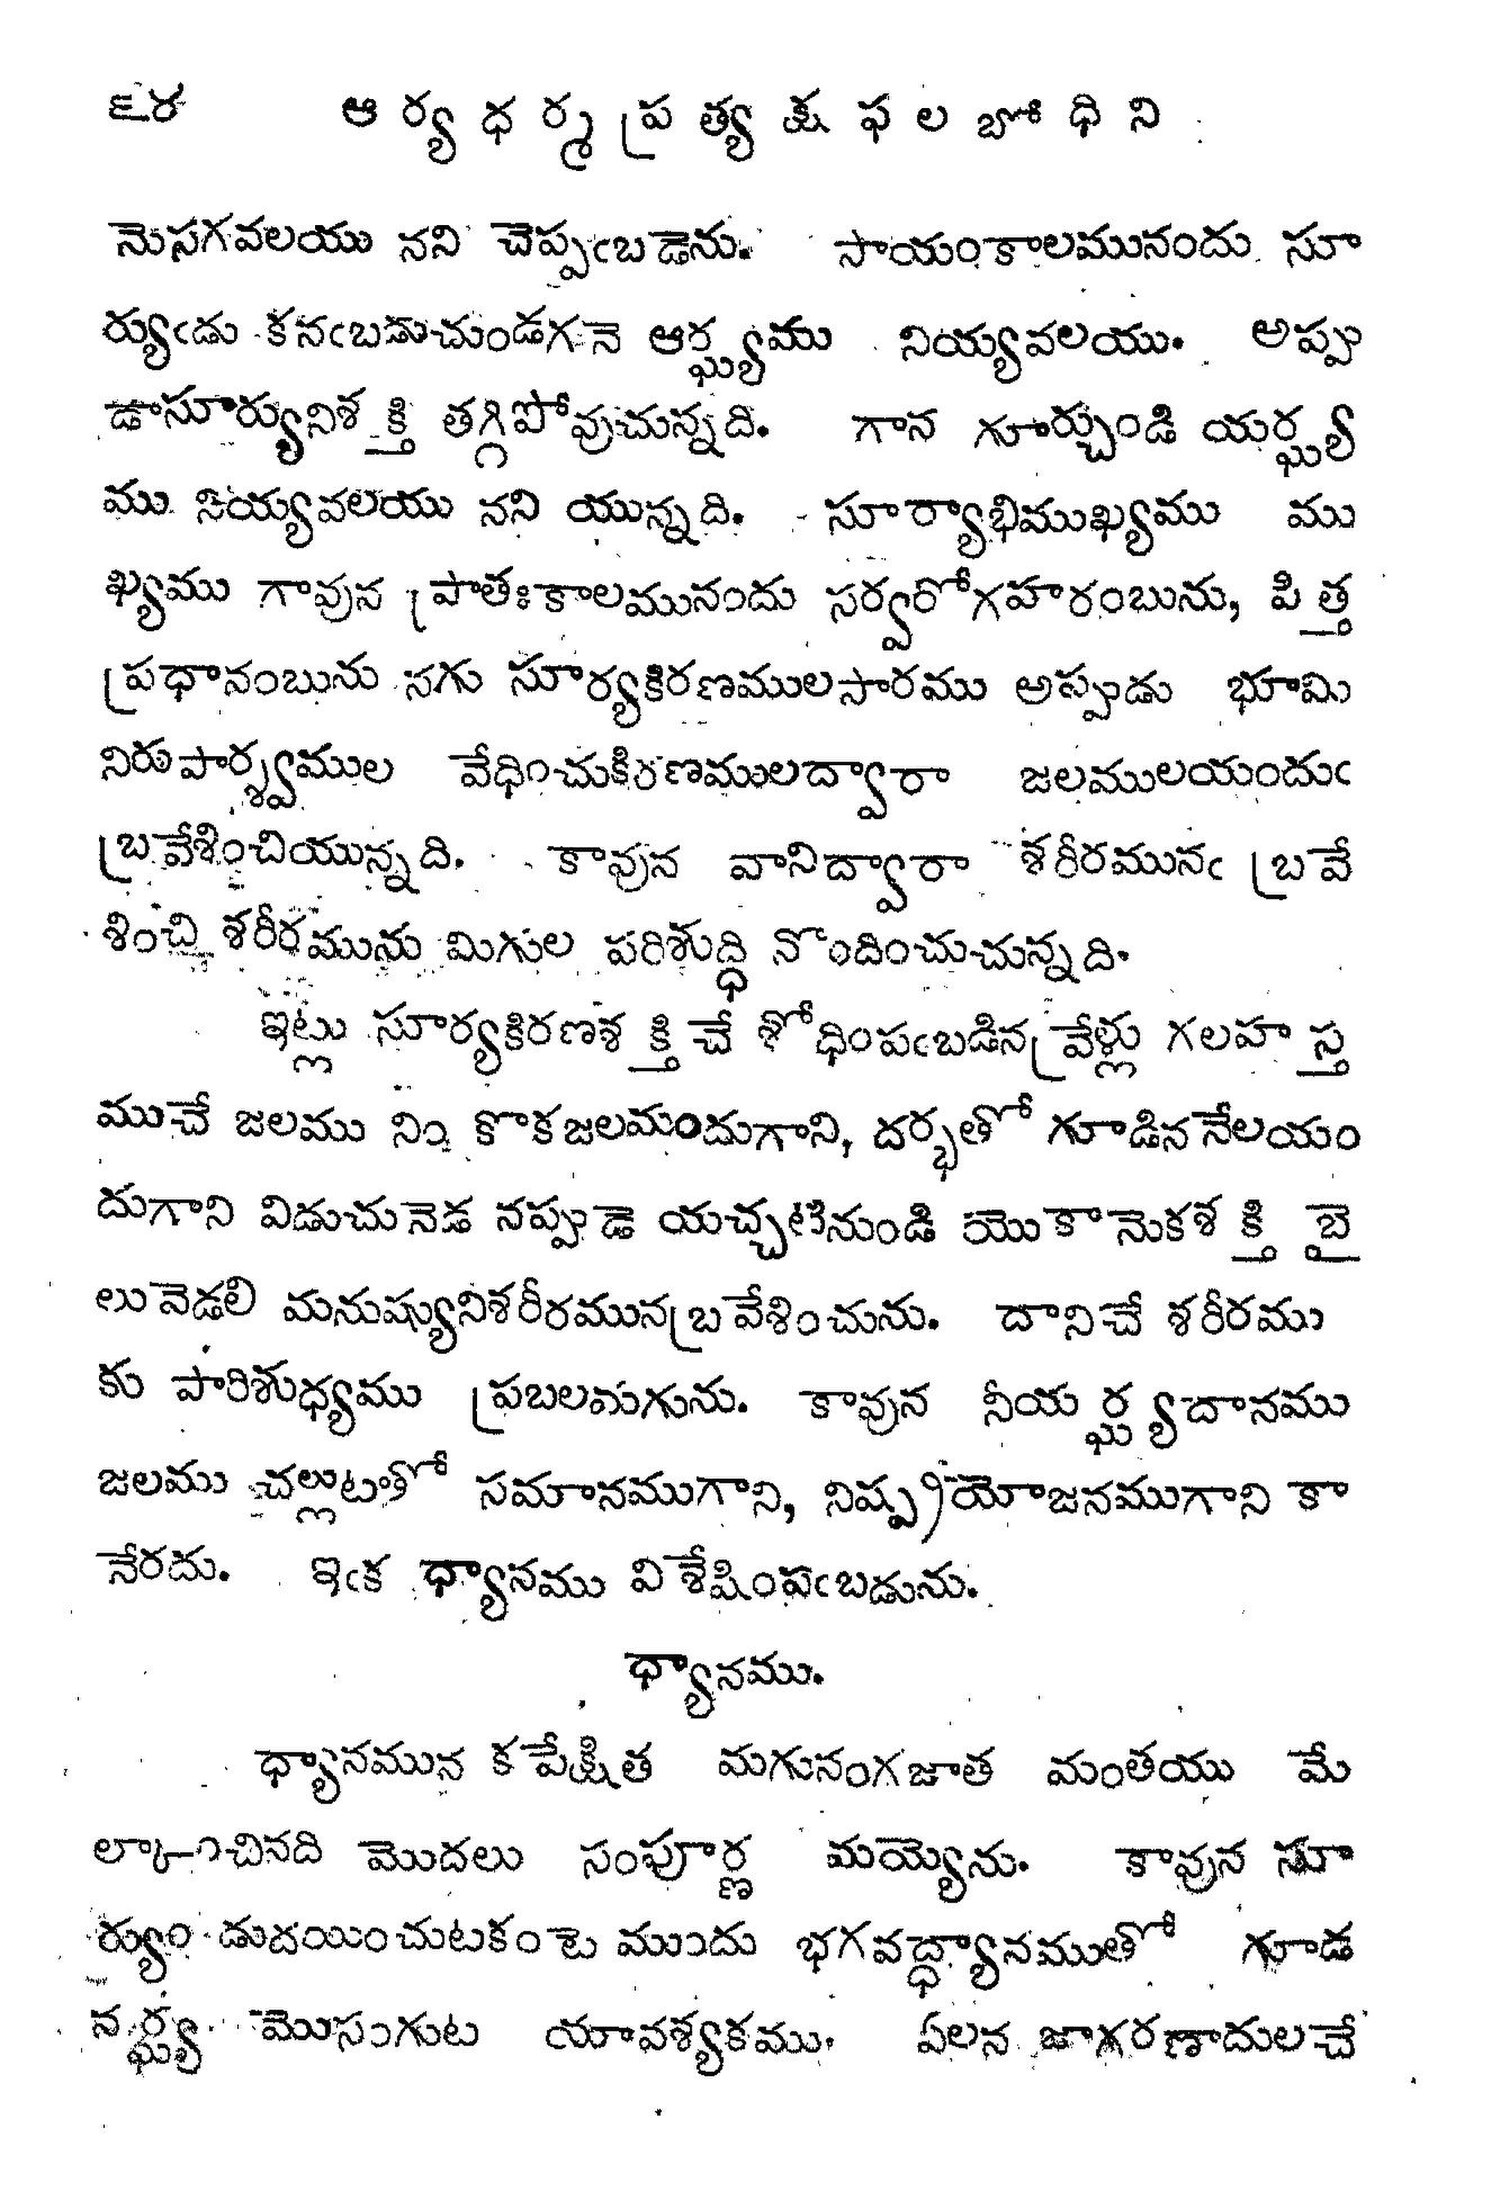నొసగవలయు నని చెప్పఁబడెను. సాయంకాలమునందు. సూర్యుఁడు కనఁబడుచుండగనె ఆర్ఘ్యము నియ్యవలయు. అప్పుడాసూర్యునిశక్తి తగ్గిపోవుచున్నది. గాన గూర్చుండి యర్ఘ్యము నియ్యవలయు నని యున్నది. సూర్యాభిముఖ్యము ముఖ్యము గావున ప్రాతఃకాలమునందు సర్వరోగహరంబును, పిత్త ప్రధానంబును నగు సూర్యకిరణములసారము అప్పుడు భూమి నిరుపార్శ్వముల వేధించుకిరణములద్వారా జలములయందుఁ
బ్రవేశించియున్నది. .కావున వానిద్వారా శరీరమునఁ బ్రవేశించి శరీరమును మిగుల పరిశుద్ధి నొందించుచున్నది.

ఇట్లు సూర్యకిరణశక్తిచే శోధింపఁబడినవ్రేళ్లు గలహస్తముచే జలము నిం కొకజలమందుగాని, దర్భతో గూడిననేలయందుగాని విడుచునెడ నప్పుడె యచ్చటినుండి యొకానొకశక్తి బైలువెడలి మనుష్యునిశరీరమున బ్రవేశించును. దానిచే శరీరముకు పారిశుధ్యము ప్రబలమగును. కావున నీయర్ఘ్యదానము జలము చల్లుటతో సమానముగాని, నిష్ప్రయోజనముగాని కానేరదు. ఇఁక ధ్యానము విశేషింపఁబడును.

ధ్యానమున కపేక్షిత మగునంగజాత మంతయు మేల్కాంచినది మొదలు సంపూర్ణ మయ్యెను. కావున సూర్యుం డుదయించుటకంటె ముందు భగవద్ధ్యానముతో గూడ నర్ఘ్య మొసంగుట యావశ్యకము. ఏలన జాగరణాదులచే